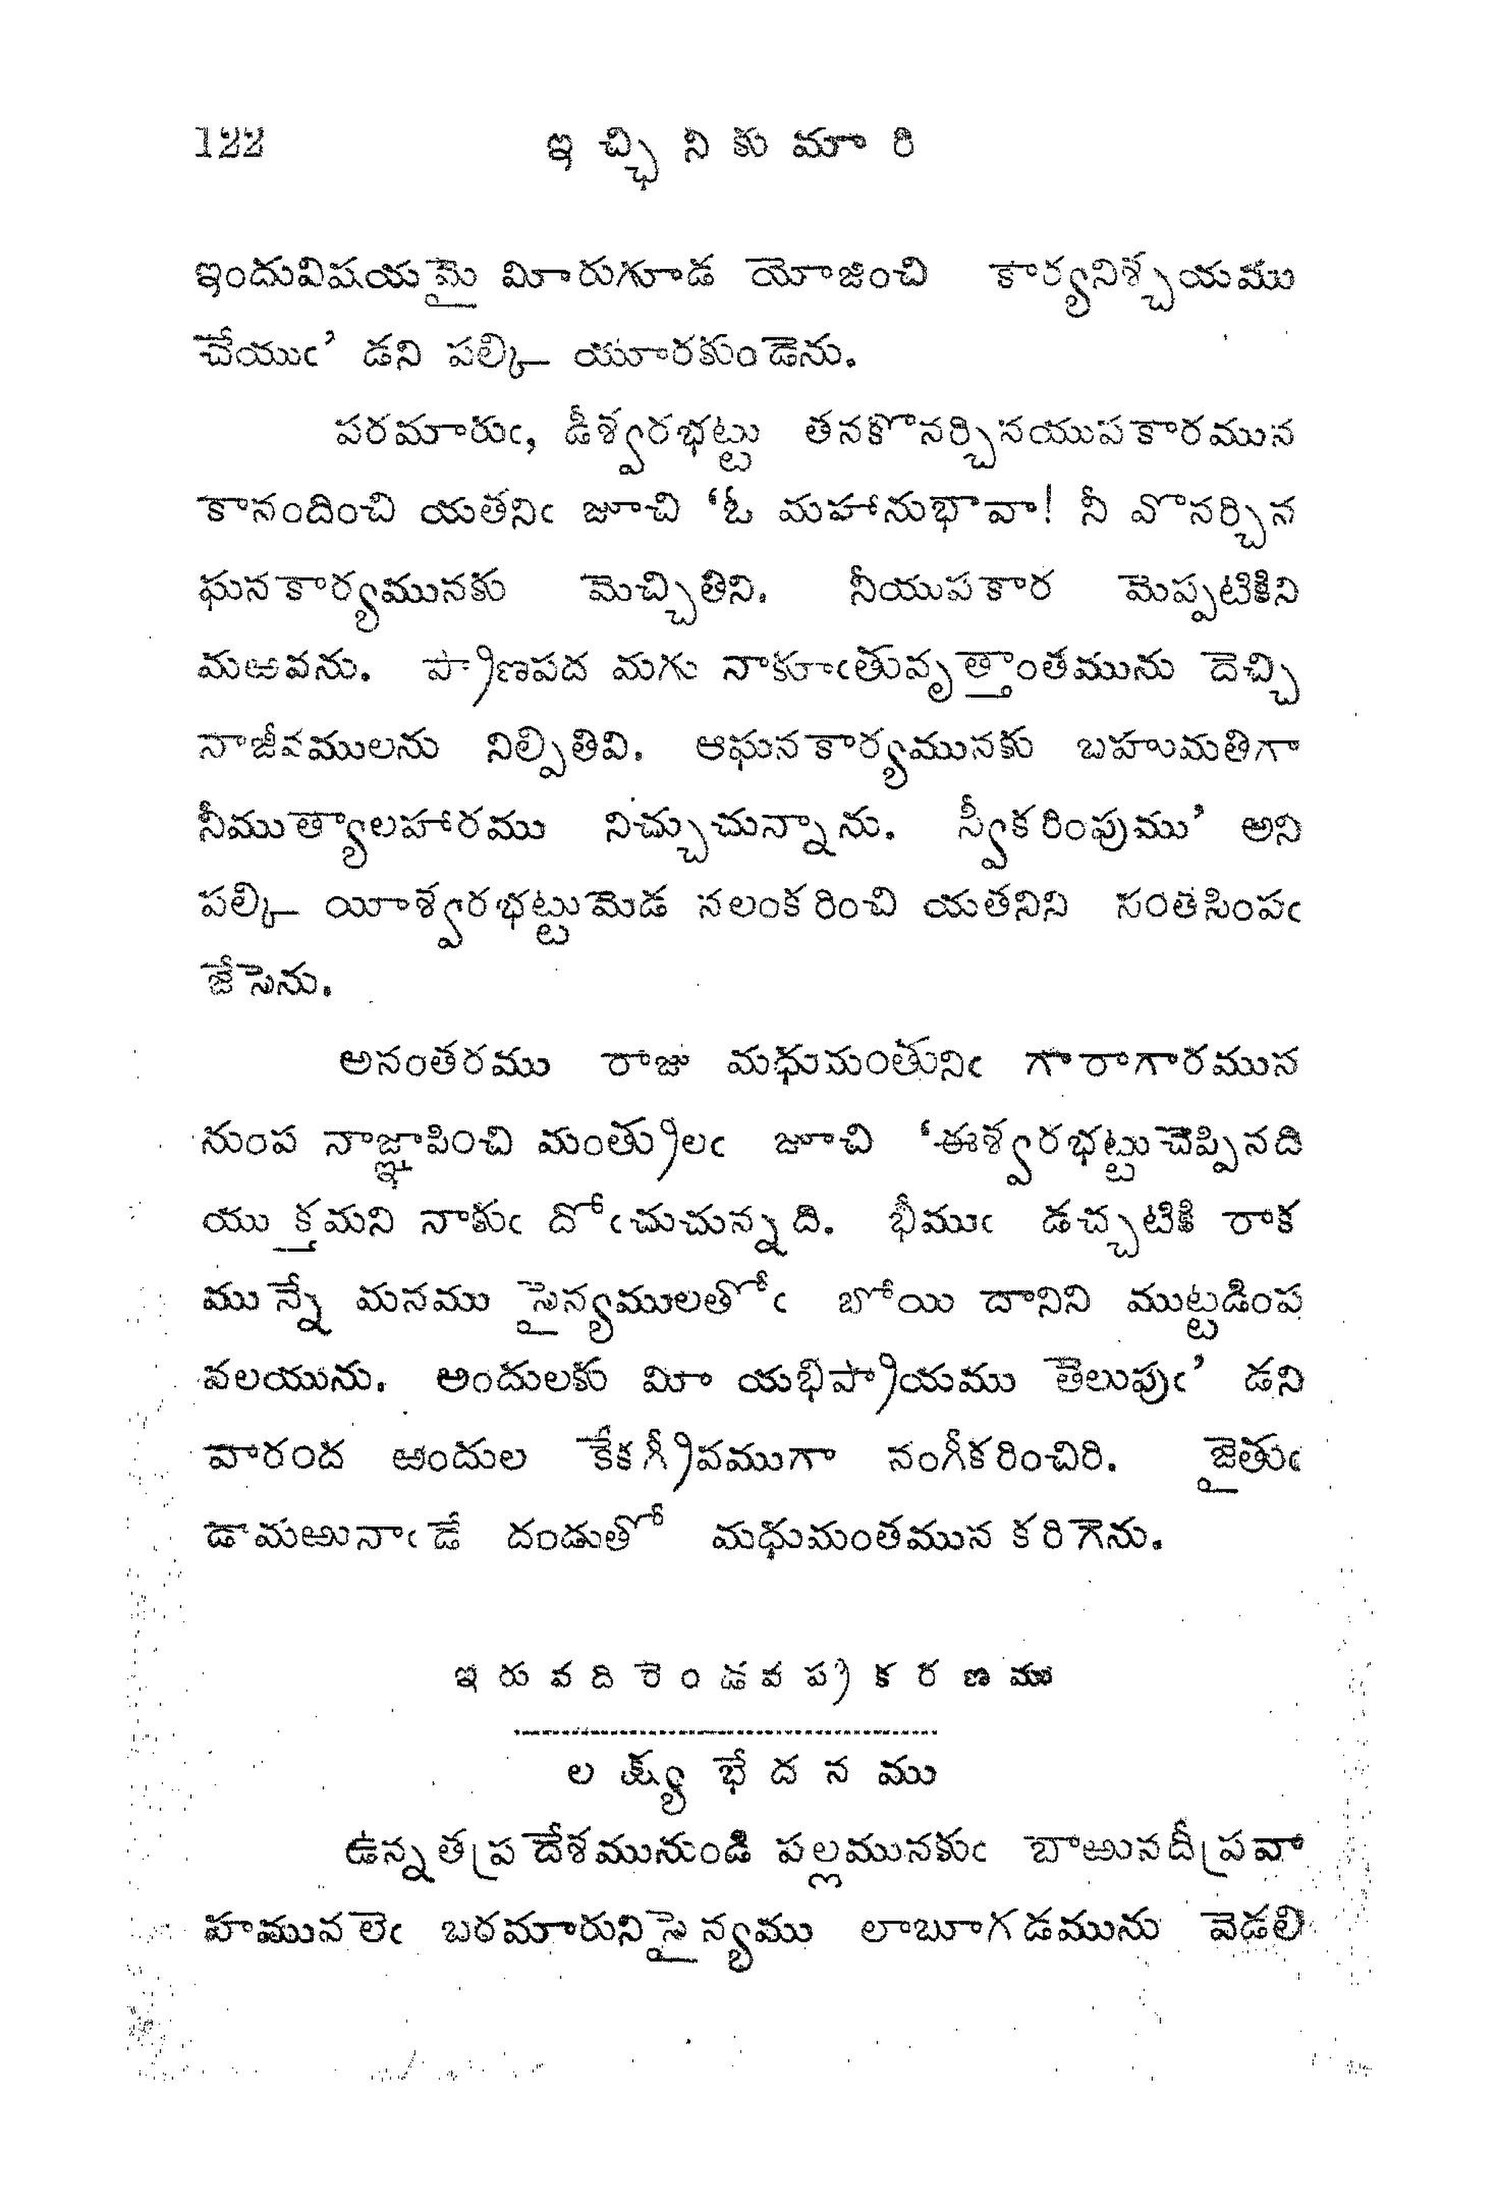ఇందువిషయమై మీరుగూడ యోజించి కార్యనిశ్చయము చేయుఁ" డని పల్కి యూరకుండెను.

పరమారుఁ, డీశ్వర భట్టు తనకొనర్చినయుప కారమున కానందించి యతనిఁ జూచి 'ఓ మహానుభావా! నీ వొనర్చిన ఘన కార్యమునకు 'మెచ్చితిని.నీయుప కార మెప్పటికిని మజవను. ప్రాణపద మగు నాకూఁతువృత్తాంతమును దెచ్చి నాజీవములను నిల్పితివి, ఆఘన కార్యమునకు బహుమతిగా నీము త్యాలహారము నిచ్చుచున్నాను. స్వీకరింపుము' అని పల్కి యీశ్వర భట్టు మెడ నలంక రించి యతనిని సంతసింపఁ జేసెను.

అనంతరము రాజు మధుమంతునిఁ గారాగారమున నుంప నాజ్ఞాపించి మంత్రులం జూచి 'ఈశ్వర భట్టు చెప్పినది యు క్తమని నాకుఁ దోఁచుచున్నది. భీముఁ డచ్చటికి రాక మున్నే మనము సైన్యములతోఁ బోయి దానిని ముట్టడింప వలయును. అందులకు మీ యభిప్రాయము తెలుపు' డని వారంద జందుల కేకగ్రీవముగా నంగీకరించిరి. జైతు డామఱునాఁడే దండుతో మధుమంతమున కరిగెను.

ఇరు వ ది రేరెం డ వ ప్ర క ర ణ ము

లక్ష్య భేద న ము

ఉన్నత ప్రదేశమునుండి పల్లమునళుఁ బాఱునదీప్రవా హమువలేఁ బరమారుని సైన్యము లాబూగడమును వెడలి'. .